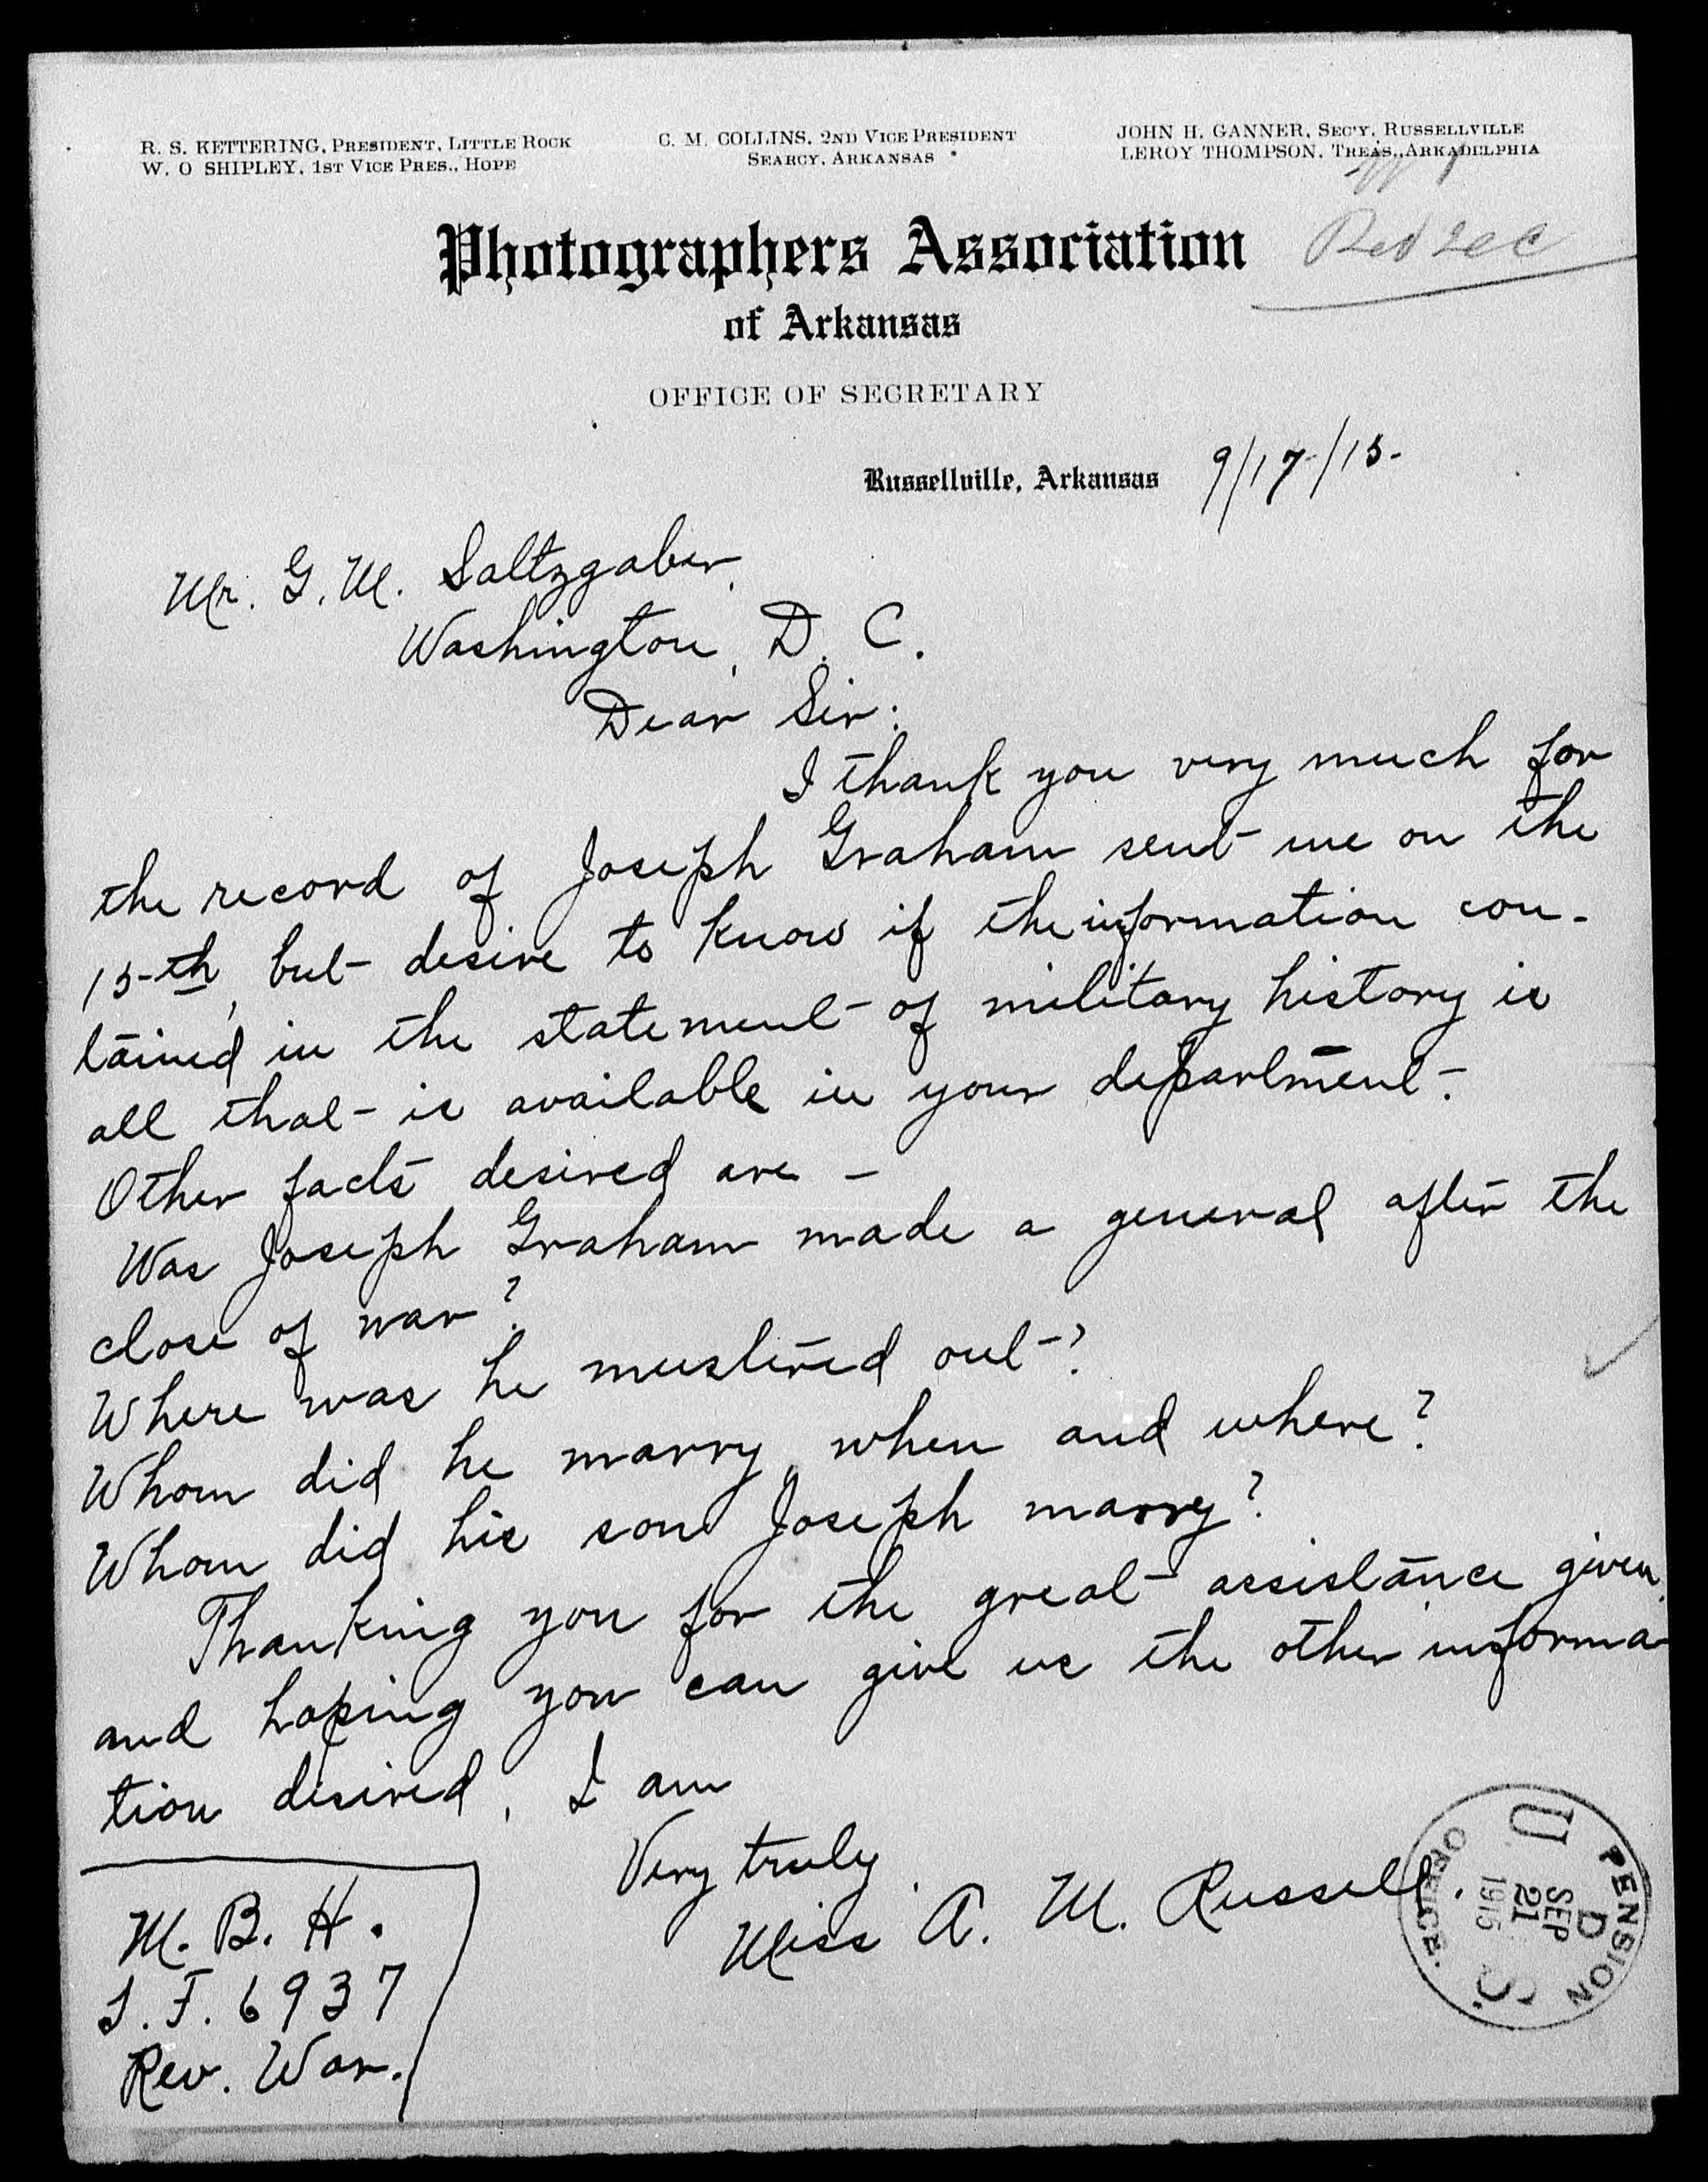R.S KETTERING. PRESIDENT, LITTLE ROCK
W.O. SHIPLEY. 1ST VICE PRES. , HOPE

C.M. COLLINS. 2ND VICE PRESIDENT
SEARCY, ARKANSAS.

JOHN H. GANNER. SECÝ RUSSELLVILLE
LEROY THOMPSON. TREAS.. ARKADELPHIA

Photographers Association of Arkansas
OFFICE OF SECRETARY
Russellville, Arkansas
9/17/15

Mr. G. M. Saltzgaber
Washington D. C. 

Dear Sir:

I thank you very much for the record of Joseph Graham sent me on the 15th, but desire to know if the information contained in the statement - of military history is all that - is available in your department.- Other facts desired are - 
Was Joseph Graham made a general after the close of the war?
Whom did he marry when and where?
Whom did his son Joseph marry?
Thanking you for the great assistance given and hoping you can give us the other information desired, I am 
Very truly
Miss A. W. Russell
[Signature]

[W1 Rev. Sec]
[M.B.H.
S.F. 6937
Rev. War.]

[stamp - U.S. PENSION OFFICE D SEP. 21 1915]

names: C M Collins, Joseph Graham, Joseph Graham, John H Ganner, W O Shipley, Leroy Thompson, R S Kettering, Joseph Morry, G M Saltzgaber, A M Russell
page: 28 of 55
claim: survivor's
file: S. 6,937, Joseph Graham, N.C.